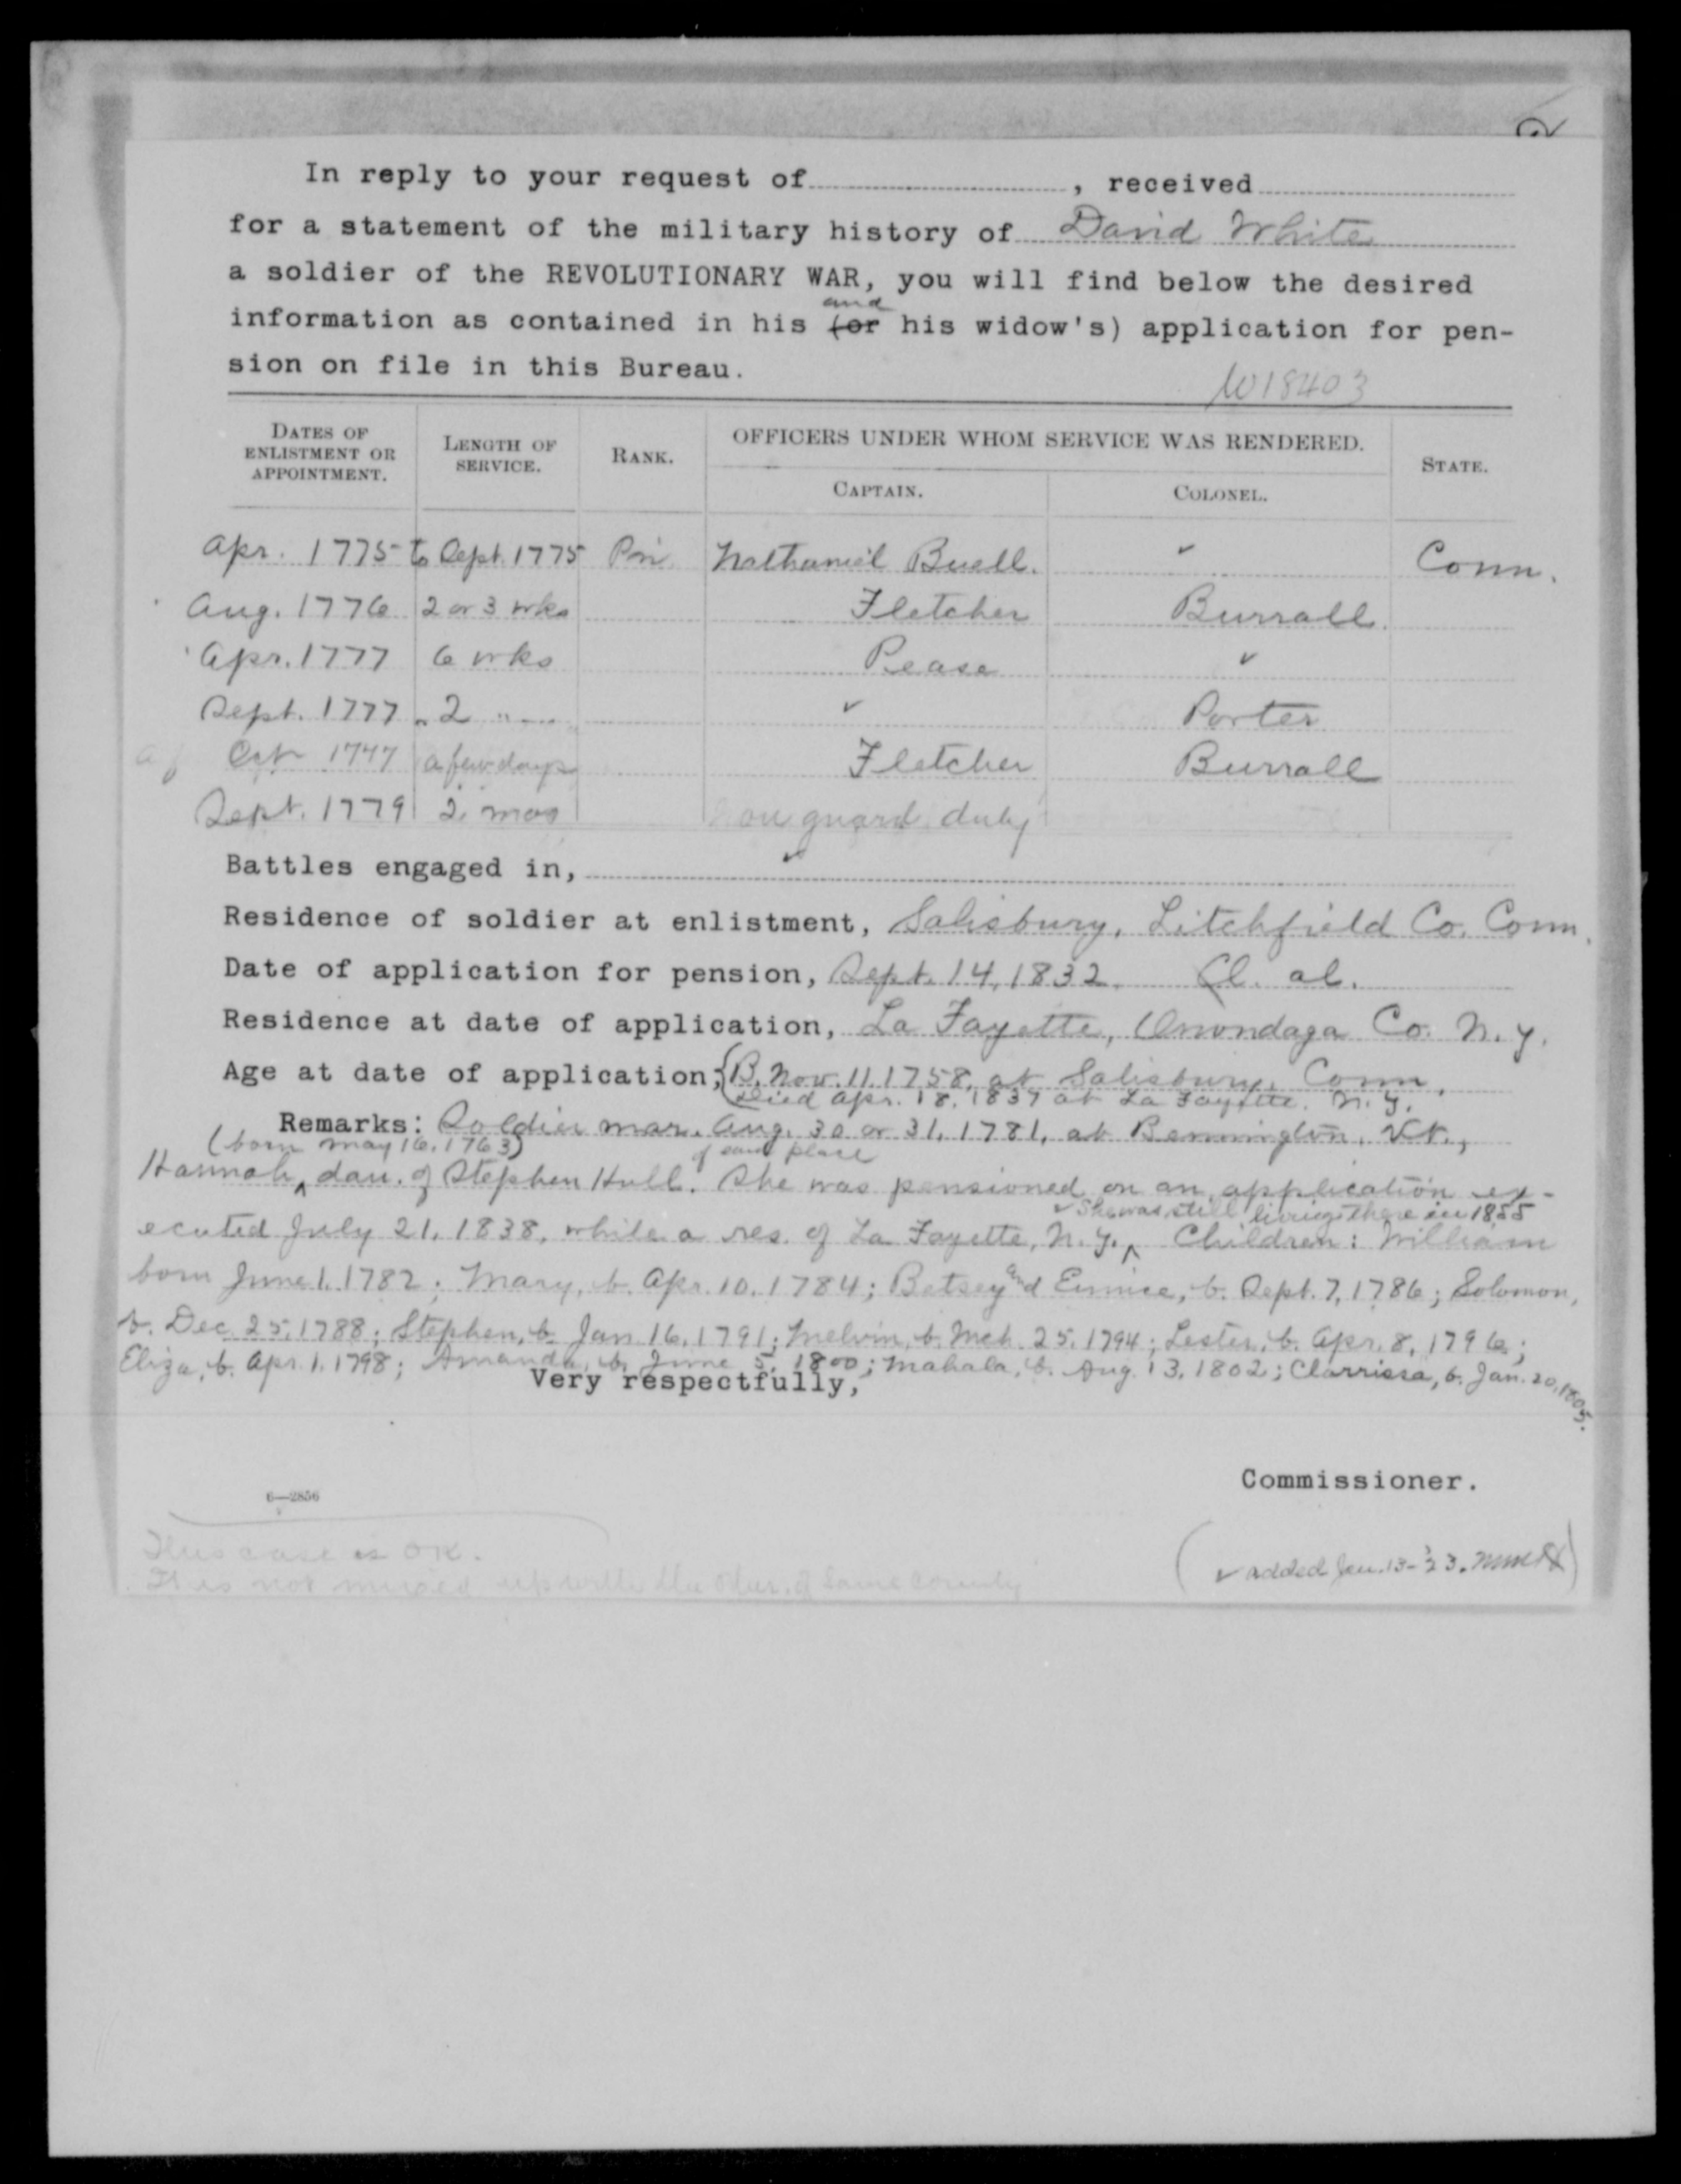In reply to your request of __________, received_____________for a statement of the military history of David White a soldier of the REVOLUTIONARY WAR, you will find below the desired information as contained in his (^and his widow's) application for pension on file in this Bureau. W18403

Date of Enlistment or Appointment.
Apr. 1775

Length of Service.
6 Sept. 1775

Rank.
Priv.

OFFICERS UNDER WHOM SERVICE WAS RENDERED

Captain
Nathaniel Buell.

Colonel.

State.
Conn.

Date of Enlistment or Appointment.
Aug. 1776

Length of Service.
2 or 3 wks

Rank.

Captain.
Fletcher

Colonel.
Burrall

State.

Dates of Enlistment or Appointment.
Apr. 1777

Length of Service.
6 wks

Captain.
Peace

Colonel.

State.

Dates of Enlistment or Appointment.
Sept. 1777

Length of Service.
2 []

Bank.

Captain.

Colonel.
Porter

State.

Date of Enlistment or Appointment.
Oct. 1777

Length of Service.
A few days

Rank.

Captain.
Fletcher

Colonel.
Burrall

State.

Date of Enlistment or Appointment.
Sept. 1779

Length of Service.
2 mos

Rank.

Captain.
on guard duty

Colonel.

State.

Battles engaged in,____________________
Residence of soldier at enlistment, Salisbury, Litchfield Co Conn
Date of application for pension, Sept. 14, 1832. Cl. al.
Residence at date of application, LaFayette, Onondaga Co. N.Y.
Age at date of application,{B.Nov.11.1758 at Salisbury, Conn. Died Apr. 18, 1837 at LaFayette, N.Y.)

Remarks: Soldier mar. Aug. 30 or 31, 1781, at Bennington, Vt., Hannah ^(born May 16, 1763) dau. of Stephen Hull ^of said place. She was pensioned on an application executed July 21, 1838, while a res. of LaFayette, N.Y. ^She was still living there in 1855.  Children:  William, born June 1, 1782. Mary, b. Apr. 10, 1784; Betsy and Emmie, b. Sept. 7, 1786; Solomon, b. Dec. 25, 1788; Stephen, b. Jan. 16, 1791; Melvin, b. Mch. 25, 1794; Lester, b. Apr. 8, 1796; Eliza, b. Apr. 1, 1798; Amanda, b. June 5, 1800; Mahala, b. Aug. 13, 1802; Clarrisra, b. Jan 20, 1805.

Very respectfully, 

Commissioner.

E--2856

This case is ok.
It is not mixed up with the [] of same county.

(check added June 13 '23. [])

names: Nathaniel Buell, Fletcher, William, Hannah, Eliza, Clarrissa, Lester, Eunice, David White, Mary, Stephen, Burrall, Betsey, Amanda, Solomon, Mahala, Pease, Porter, Melvin, Stephen Hull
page: 33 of 63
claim: widow's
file: W. 18403, David White, Conn.